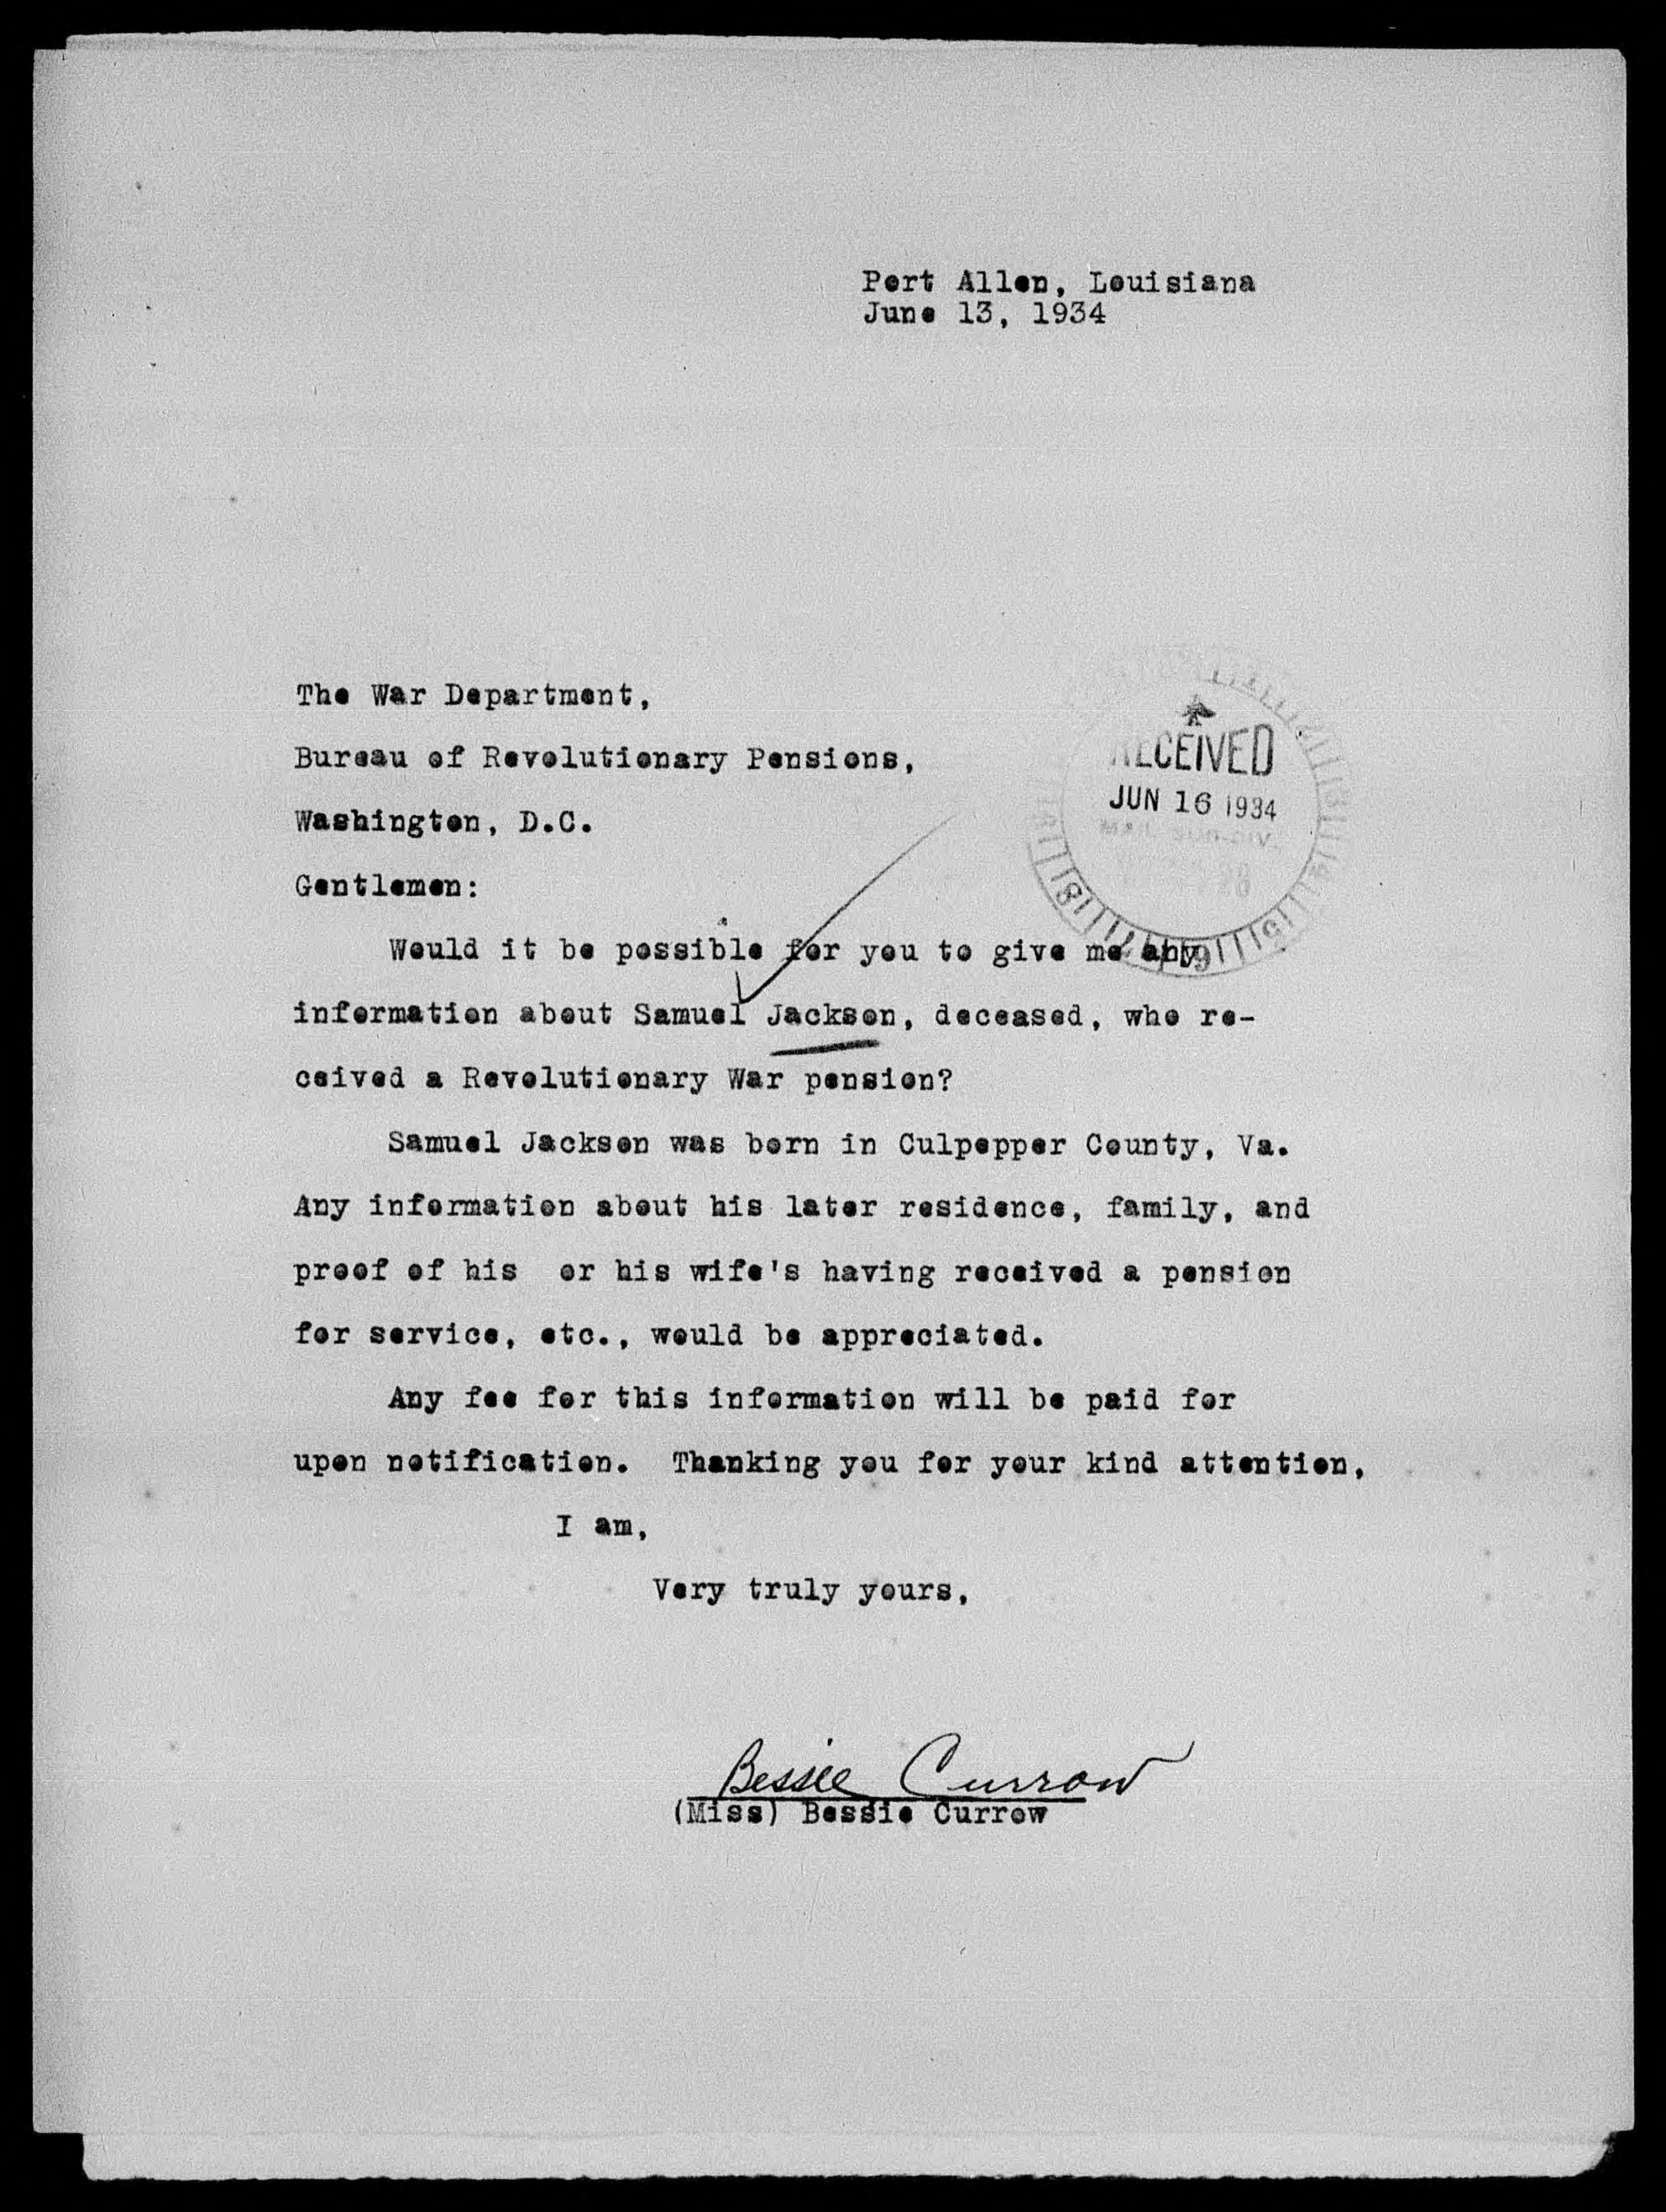Port Allen, Louisiana
June 13, 1934

The War Department,
Bureau of Revolutionary Pensions,
Washington, D.C.

RECEIVED
JUN 16 1934
MAIL SUB. DIV.

Gentlemen:
Would it be possible for you to give me any
information about Samuel Jackson, deceased, who 
received a Revolutionary War pension?
Samuel Jackson was born in Culpepper County, Va.
Any information about his later residence, family, and
proof of his or his wife's having received a pension
for service, etc., would be appreciated.
Any fee for this information will be paid for
upon notification. Thanking you for your kind attention,
I am,
Very truly yours,

Bessie Currow
(Miss) Bessie Currow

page: 48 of 56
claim: rejected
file: R 5529, for Samuel Jackson, Virginia